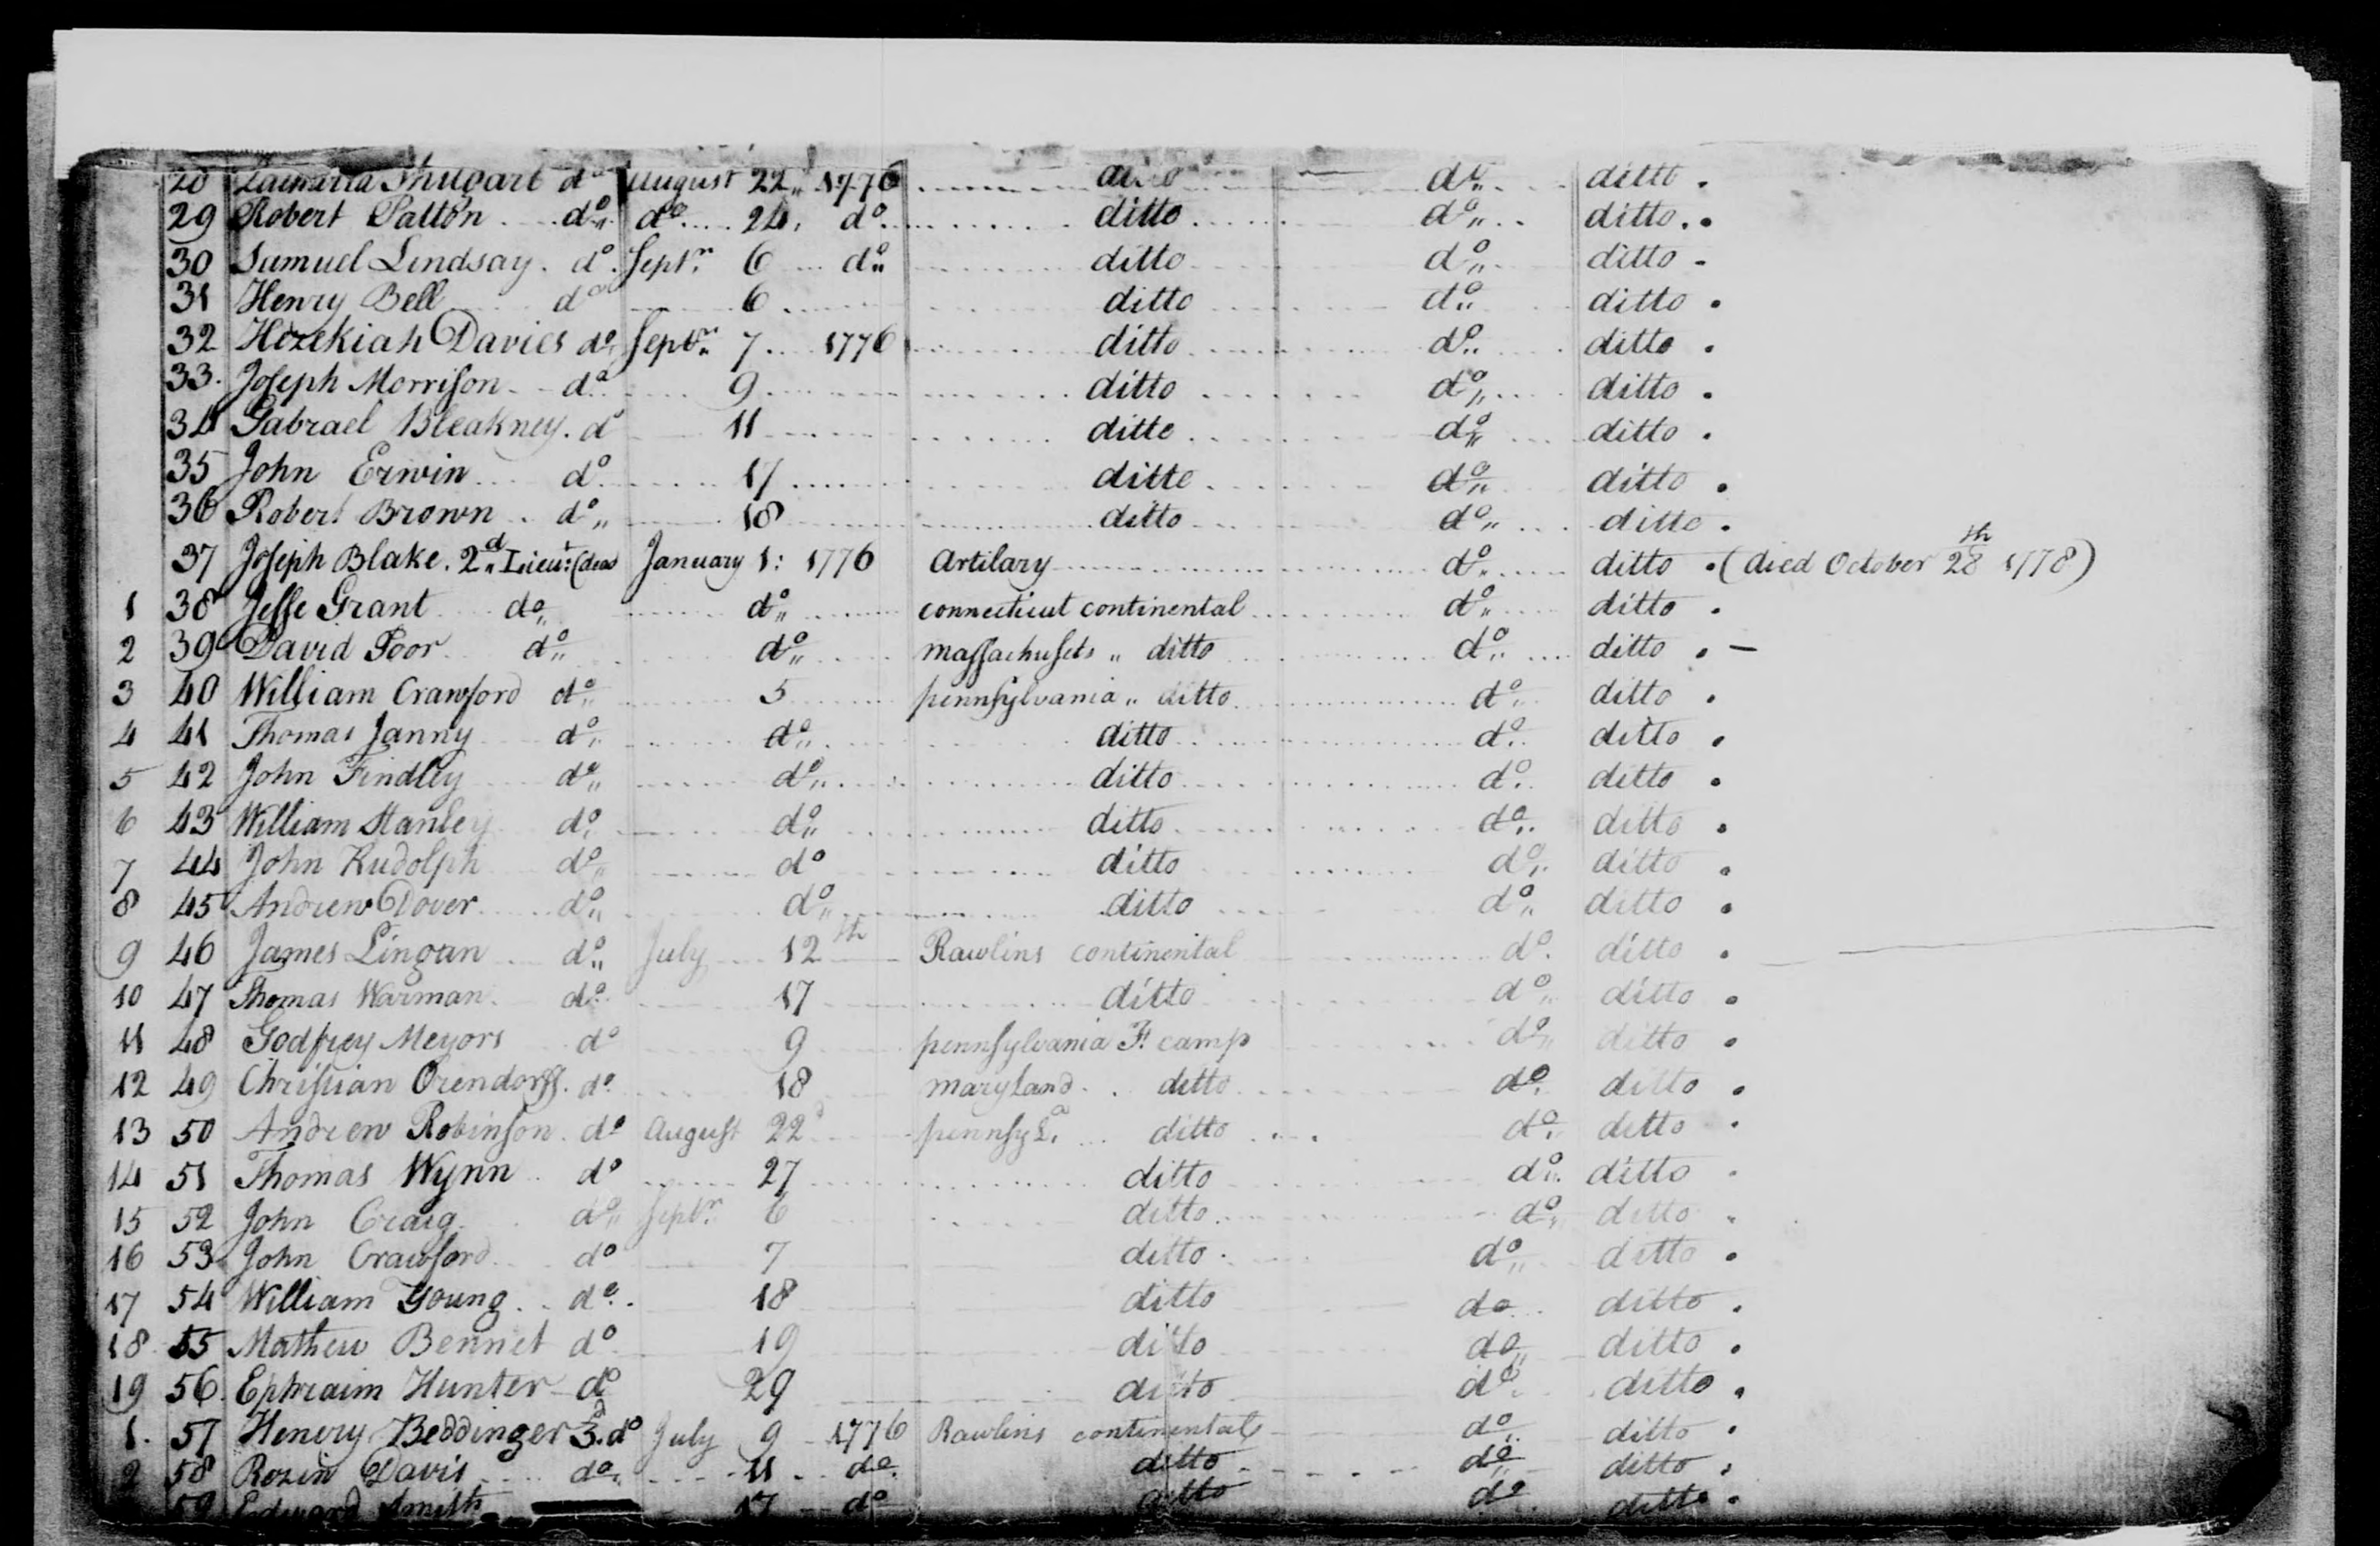[column headings continued from previous page]

28 | Zackaria Shugart do | August 22, 1776 | ditto| do| ditto.
29 | Robert Patton do| do..24, do| ditto| do| ditto.
30 | Samuel Lindsay do| Sept 6 do| ditto| do| ditto.
31 | Henry Bell do| ..6..| ditto| do| ditto.
32 | Hezekiah Davies do| Sept 7..1776| ditto| do| ditto.
33 | Joseph Morrison do| ..9..| ditto| do| ditto.
34 | Gabrael Bleakney do| ...11...| ditto| do| ditto.
35 | John Erwin do| ...17...| ditto| do| ditto.
36 | Robert Brown do| ...18...| ditto| do | ditto.
37 | Joseph Blake. 2d. Lieut (dead | January 8: 1776 \ Artilary | do | ditto (died October 28th 1778).
1 | 38 | Jesse Grant do | .do | Connecticut continental | do | ditto.
2 | 39 | David Poor do | do | Massachusets..ditto | do | ditto. 
3 | 40 | William Crawford do| ..5.. | Pennsylvania..ditto | do | ditto.
 4 | 41 | Thomas Janny do | do | ditto | do | ditto. 
5 | 42 | John Findley do| do | ditto | do | ditto.
6 | 43 | William Stanley do | do | ditto | do | ditto.
7 | 44 | John Rudolph do| do | ditto | do | ditto.
8 | 45 | Andrew Glover do | do | ditto | do | ditto.
9 | 46 | James Lingan do | July 12th..| Rawlins continental | do | ditto.
10 | 47 | Thomas Warman do| ..17 .. | ditto | do | ditto.
11 | 48 | Godfrey Meyors do| ..9..| Pennsylvania F. camp | do | ditto. 
12 | 49 | Christian Orendorff do | ..18..| Maryland ditto | do | ditto.
13 | 50 | Andrew Robinson do | August 22..| Pennsyla. ditto | do | ditto.
14| 51 | Thomas Wynn do | ..27..| ditto | do | ditto.
15 | 52 | John Craig do | Septr. 6..| ditto | do | ditto.
16 | 53 | John Crawford do | ..7..| ditto | do | ditto.
17 | 54 | William Young do | ..18..| ditto | do | ditto.
18 | 55 | Mathew Bennet do | ..19.. | ditto | do | ditto. 
19 | 56 | Ephraim Hunter do| ..19..| ditto | do | ditto.
1 | 57 | Henery Beddinger 3d. do| July 9..1776 | Rawlins continental | do | ditto.
2 | 58 | Rosin David do | ...11 do | ditto | do | ditto.
[illegible] | 59 | Edward Smith | ..17 do | ditto | do | ditto.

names: Zackaria Shugart, David Poor, William Young, Henry Bell, William Crawford, Ephraim Hunter, Rezin Davis, James Lingan, Thomas Janny, Gabrael Bleakney, Andrew Robinson, John Crawford, Jesse Grant, Robert Brown, William Stanley, Thomas Wynn, Christian Orendorff, Edward Smith, John Erwin, Thomas Warman, Godfrey Meyors, Joseph Morrison, Robert Patton, Joseph Blake, Henery Beddinger, John Rudolph, Hezekiah Davies, Mathew Bennet, Samuel Lindsay, Andrew Dover, John Craig, John Findley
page: 24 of 57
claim: survivor's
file: S. 2161, Hezekiah Davies, Penn